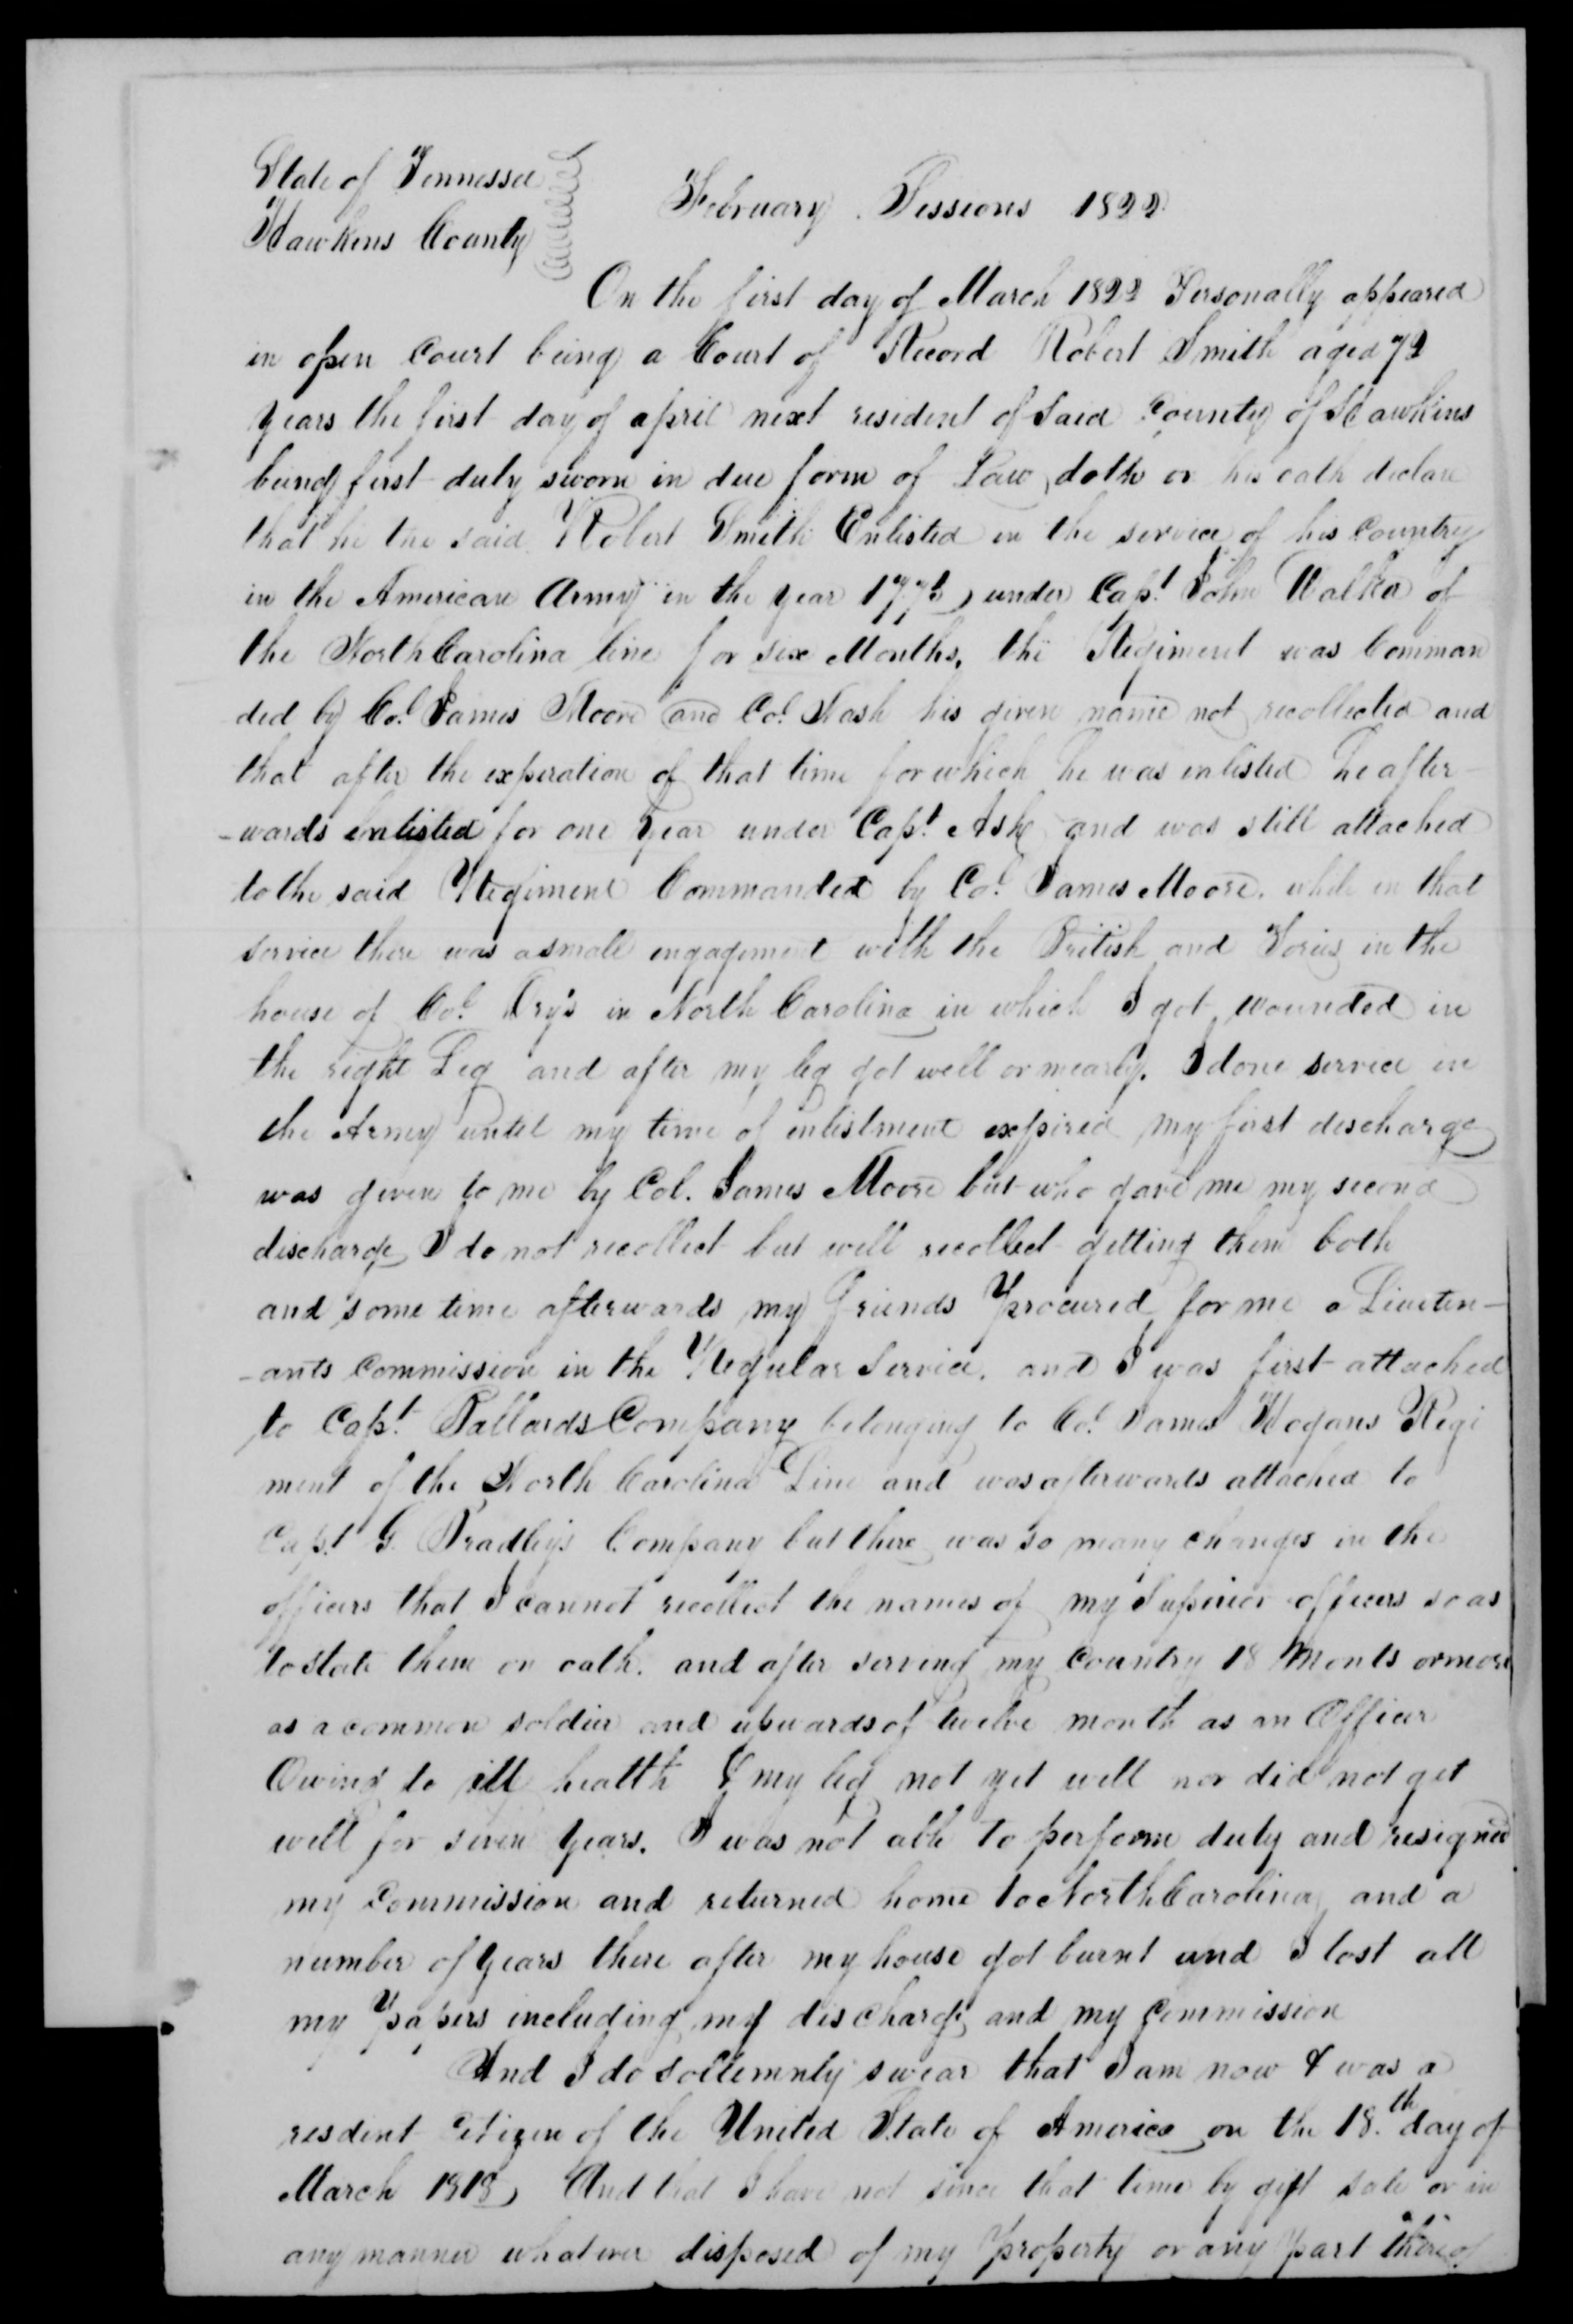State of Tennessee Hawkins County: February Sessions 1822
On the first day of March 1822 Personally appeared in open Court being a Court of Record Robert Smith aged 72 years the first day of April next resident of said County of Hawkins being first duly sworn in due form of law, doth on his oath declare that he the said Robert Smith
Enlisted in the service of his country in the American Army in the year 1776, under Captain John Walker of the North Carolina line for six months, the Regiment was commanded by Colonel James Moore and Colonel Nash [Frances Nash] his given name not recollected and that after the expiration of that time for which he was enlisted he afterwards enlisted for one-year under Captain Ashe [John Ashe, Jr.] and was still attached to the said Regiment commanded by Colonel James Moore, while in that service there was a small engagement with the British and Tories in the house of Colonel Dry's [Colonel William Dry III] in North Carolina in which I got wounded in the right leg and after my leg got well or nearly, I done service in the Army until my time of enlistment expired. My first discharge was given to me by Colonel James Moore but who gave me my second discharge I do not recollect but well recollect getting them both and some time afterwards my friends procured for me a Lieutenant's Commission in the regular Service, and I was first attached to Captain Ballard's [Kedar Ballard] Company belonging to Colonel James Hogan's [James
Hogun] Regiment of the North Carolina Line and was afterwards attached to Captain Bradley's [Captain George "Gee" Bradley]
Company but there was so many changes in the officers that I cannot recollect the names of my Superior officers so as to state them on oath, and after serving my country eighteen months or more as a common soldier and upwards of twelve months as an Officer owing to ill health & my
leg not yet well nor did not get well for seven years, I was not able to perform duty and resigned my Commission and returned home to North Carolina, and a number of years thereafter my house got burnt and I lost all my papers including my discharge and my commission.
And I do solemnly swear that I was a resident Citizen of the United States on the 18th day of March 1818 and that I have not since that time by gift, sale or in any manner whatever
disposed of my property or any part thereof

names: [BLANK] Nash; James Moore; [BLANK] Ash; Robert Smith; James Moore; Robert Smith; [BLANK] Day; James Moore; John Walker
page: 7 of 79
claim: widow's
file: W. 1504, for Robert Smith, North Carolina